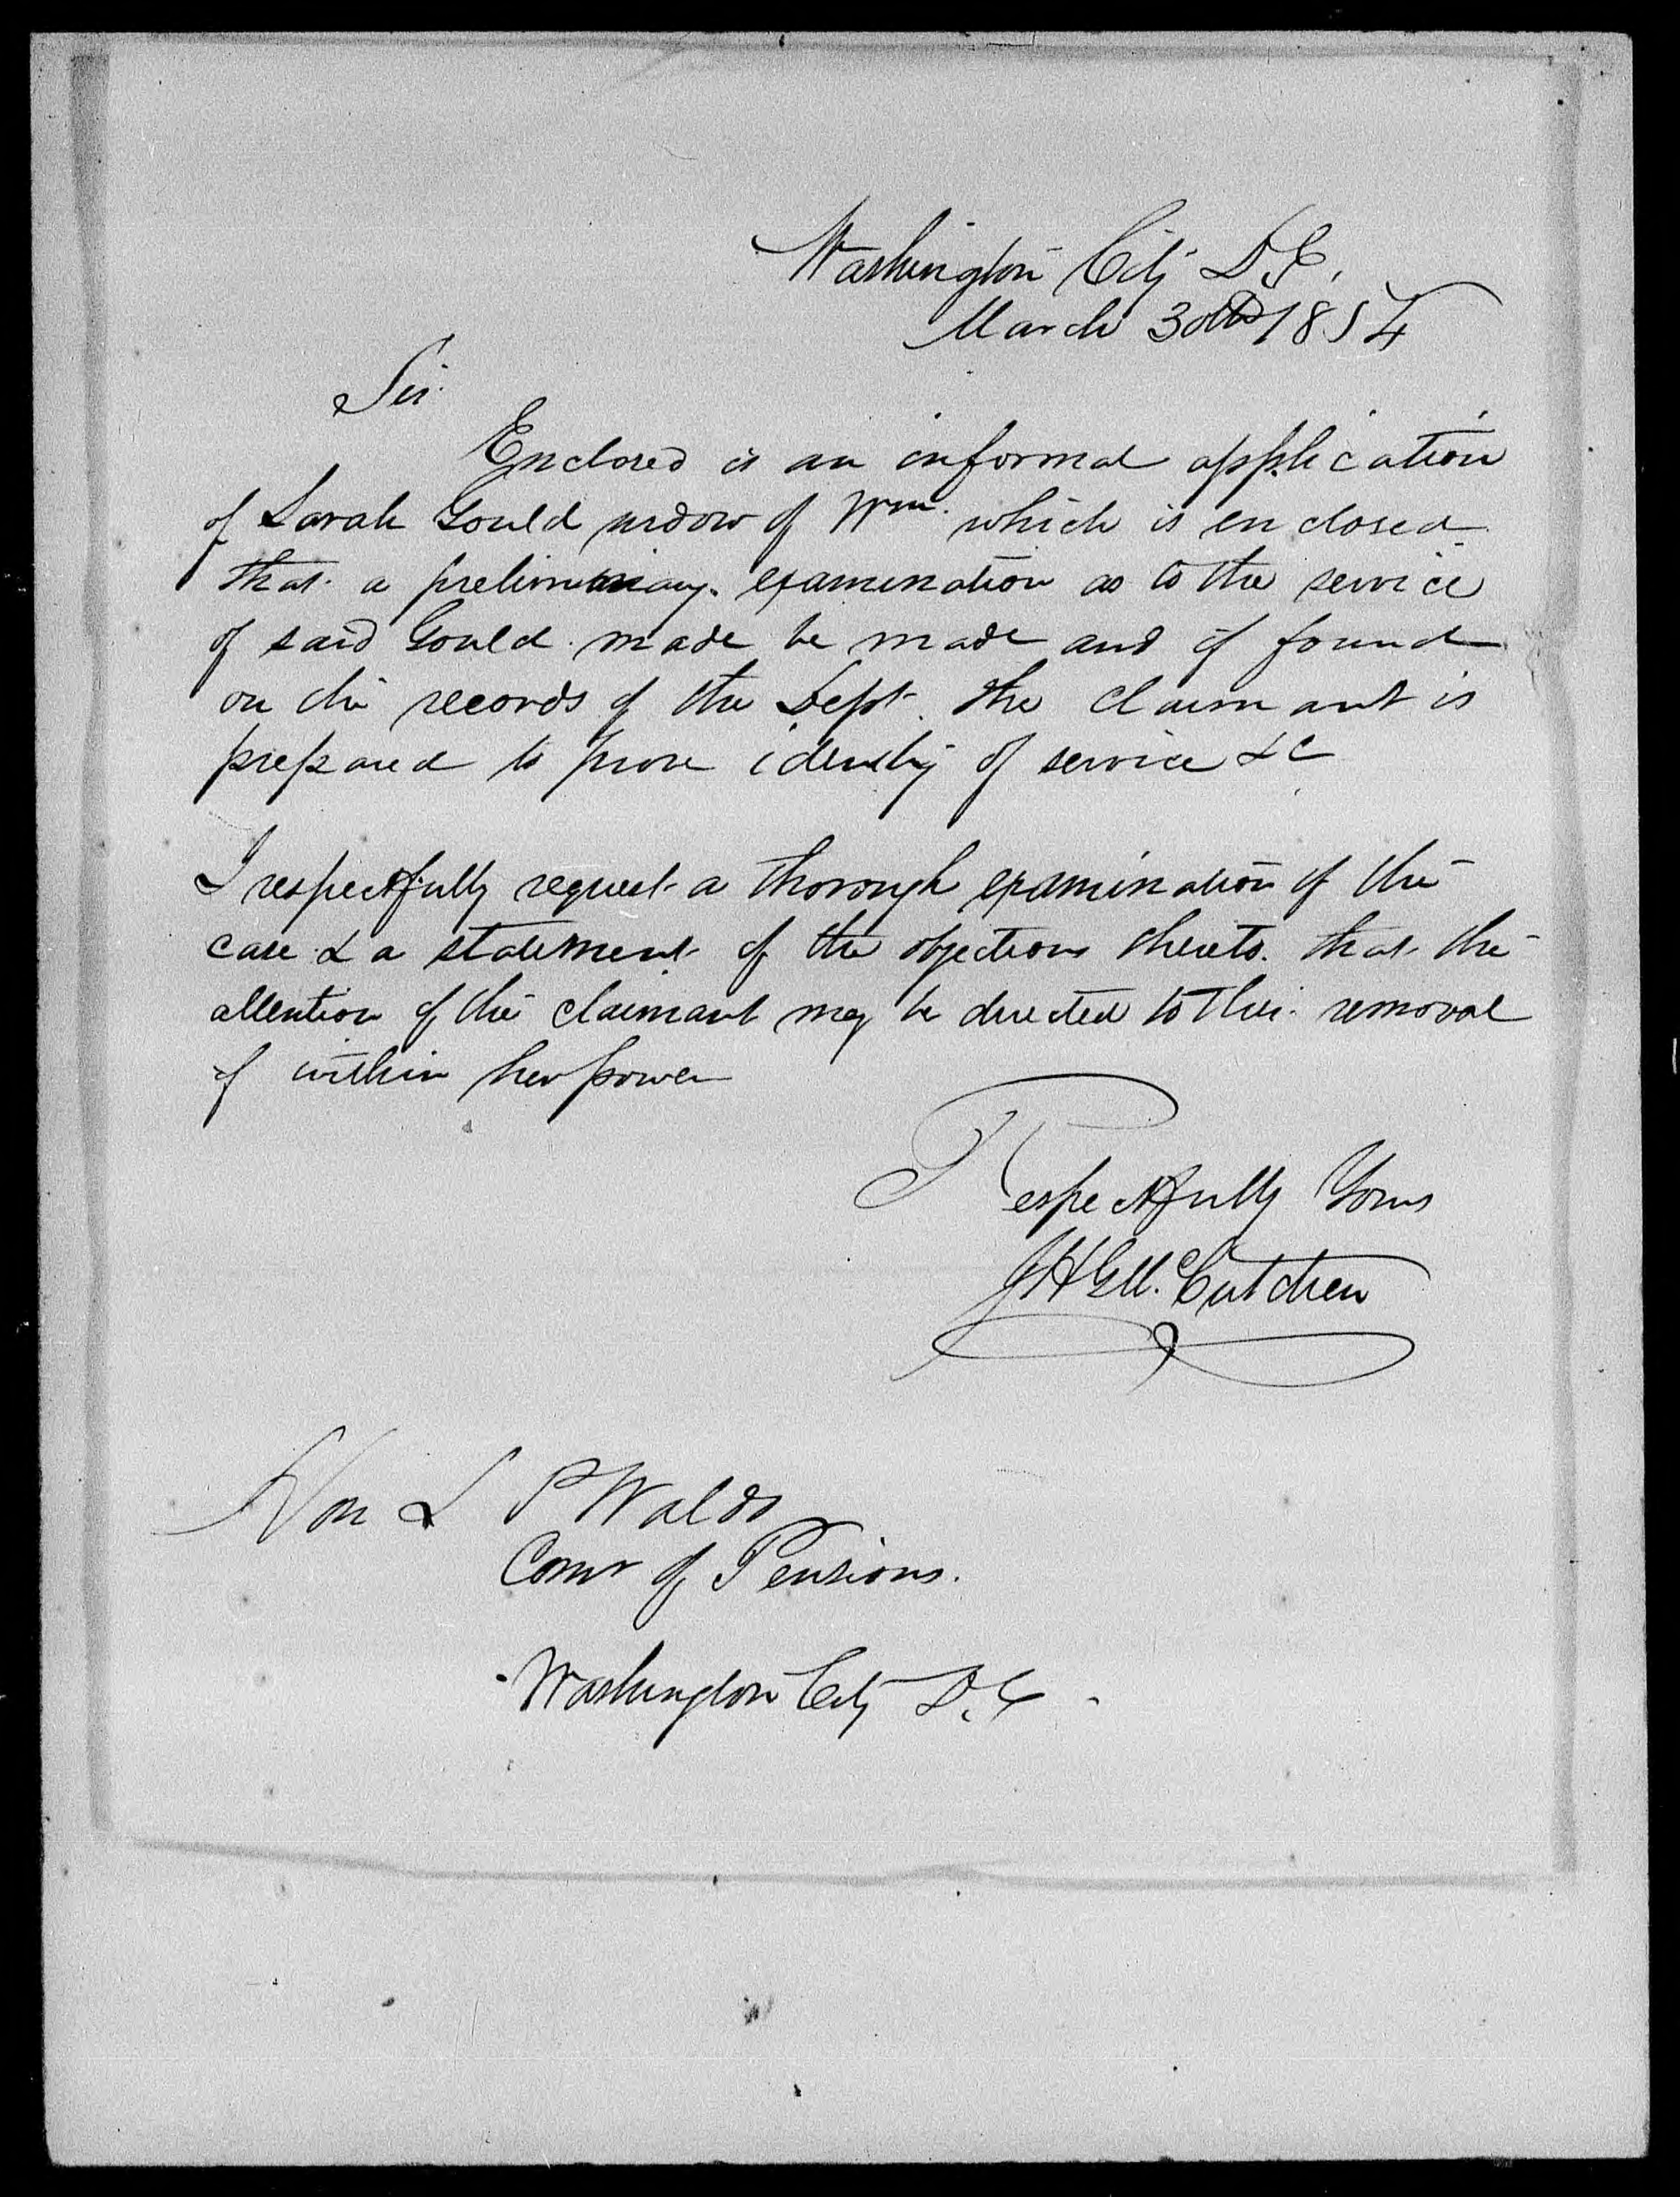Washington City DC
March 30th 1854

Sir:

Enclosed is an informed application of Sarah Gould widow of William which is enclosed that a preliminary examination as to the service of said Gould made he made [sic] and if found in his records of the Dept the claim and is prepared to prove identity of service

I respectfully request a thorough examination of the case & a statement of the objection sheets [illegible] that the attention of the claimant me directed to the removal of within her power

Respectfully Yours
JHG McCutchen

Hon L P Waldo
Comm of Pensions
Washington City D.C.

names: J H G Mc Cutchen, L P Waldo, Sarah Gould, Gould, Wm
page: 15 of 20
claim: rejected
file: R. 4,161, William Gould, New York